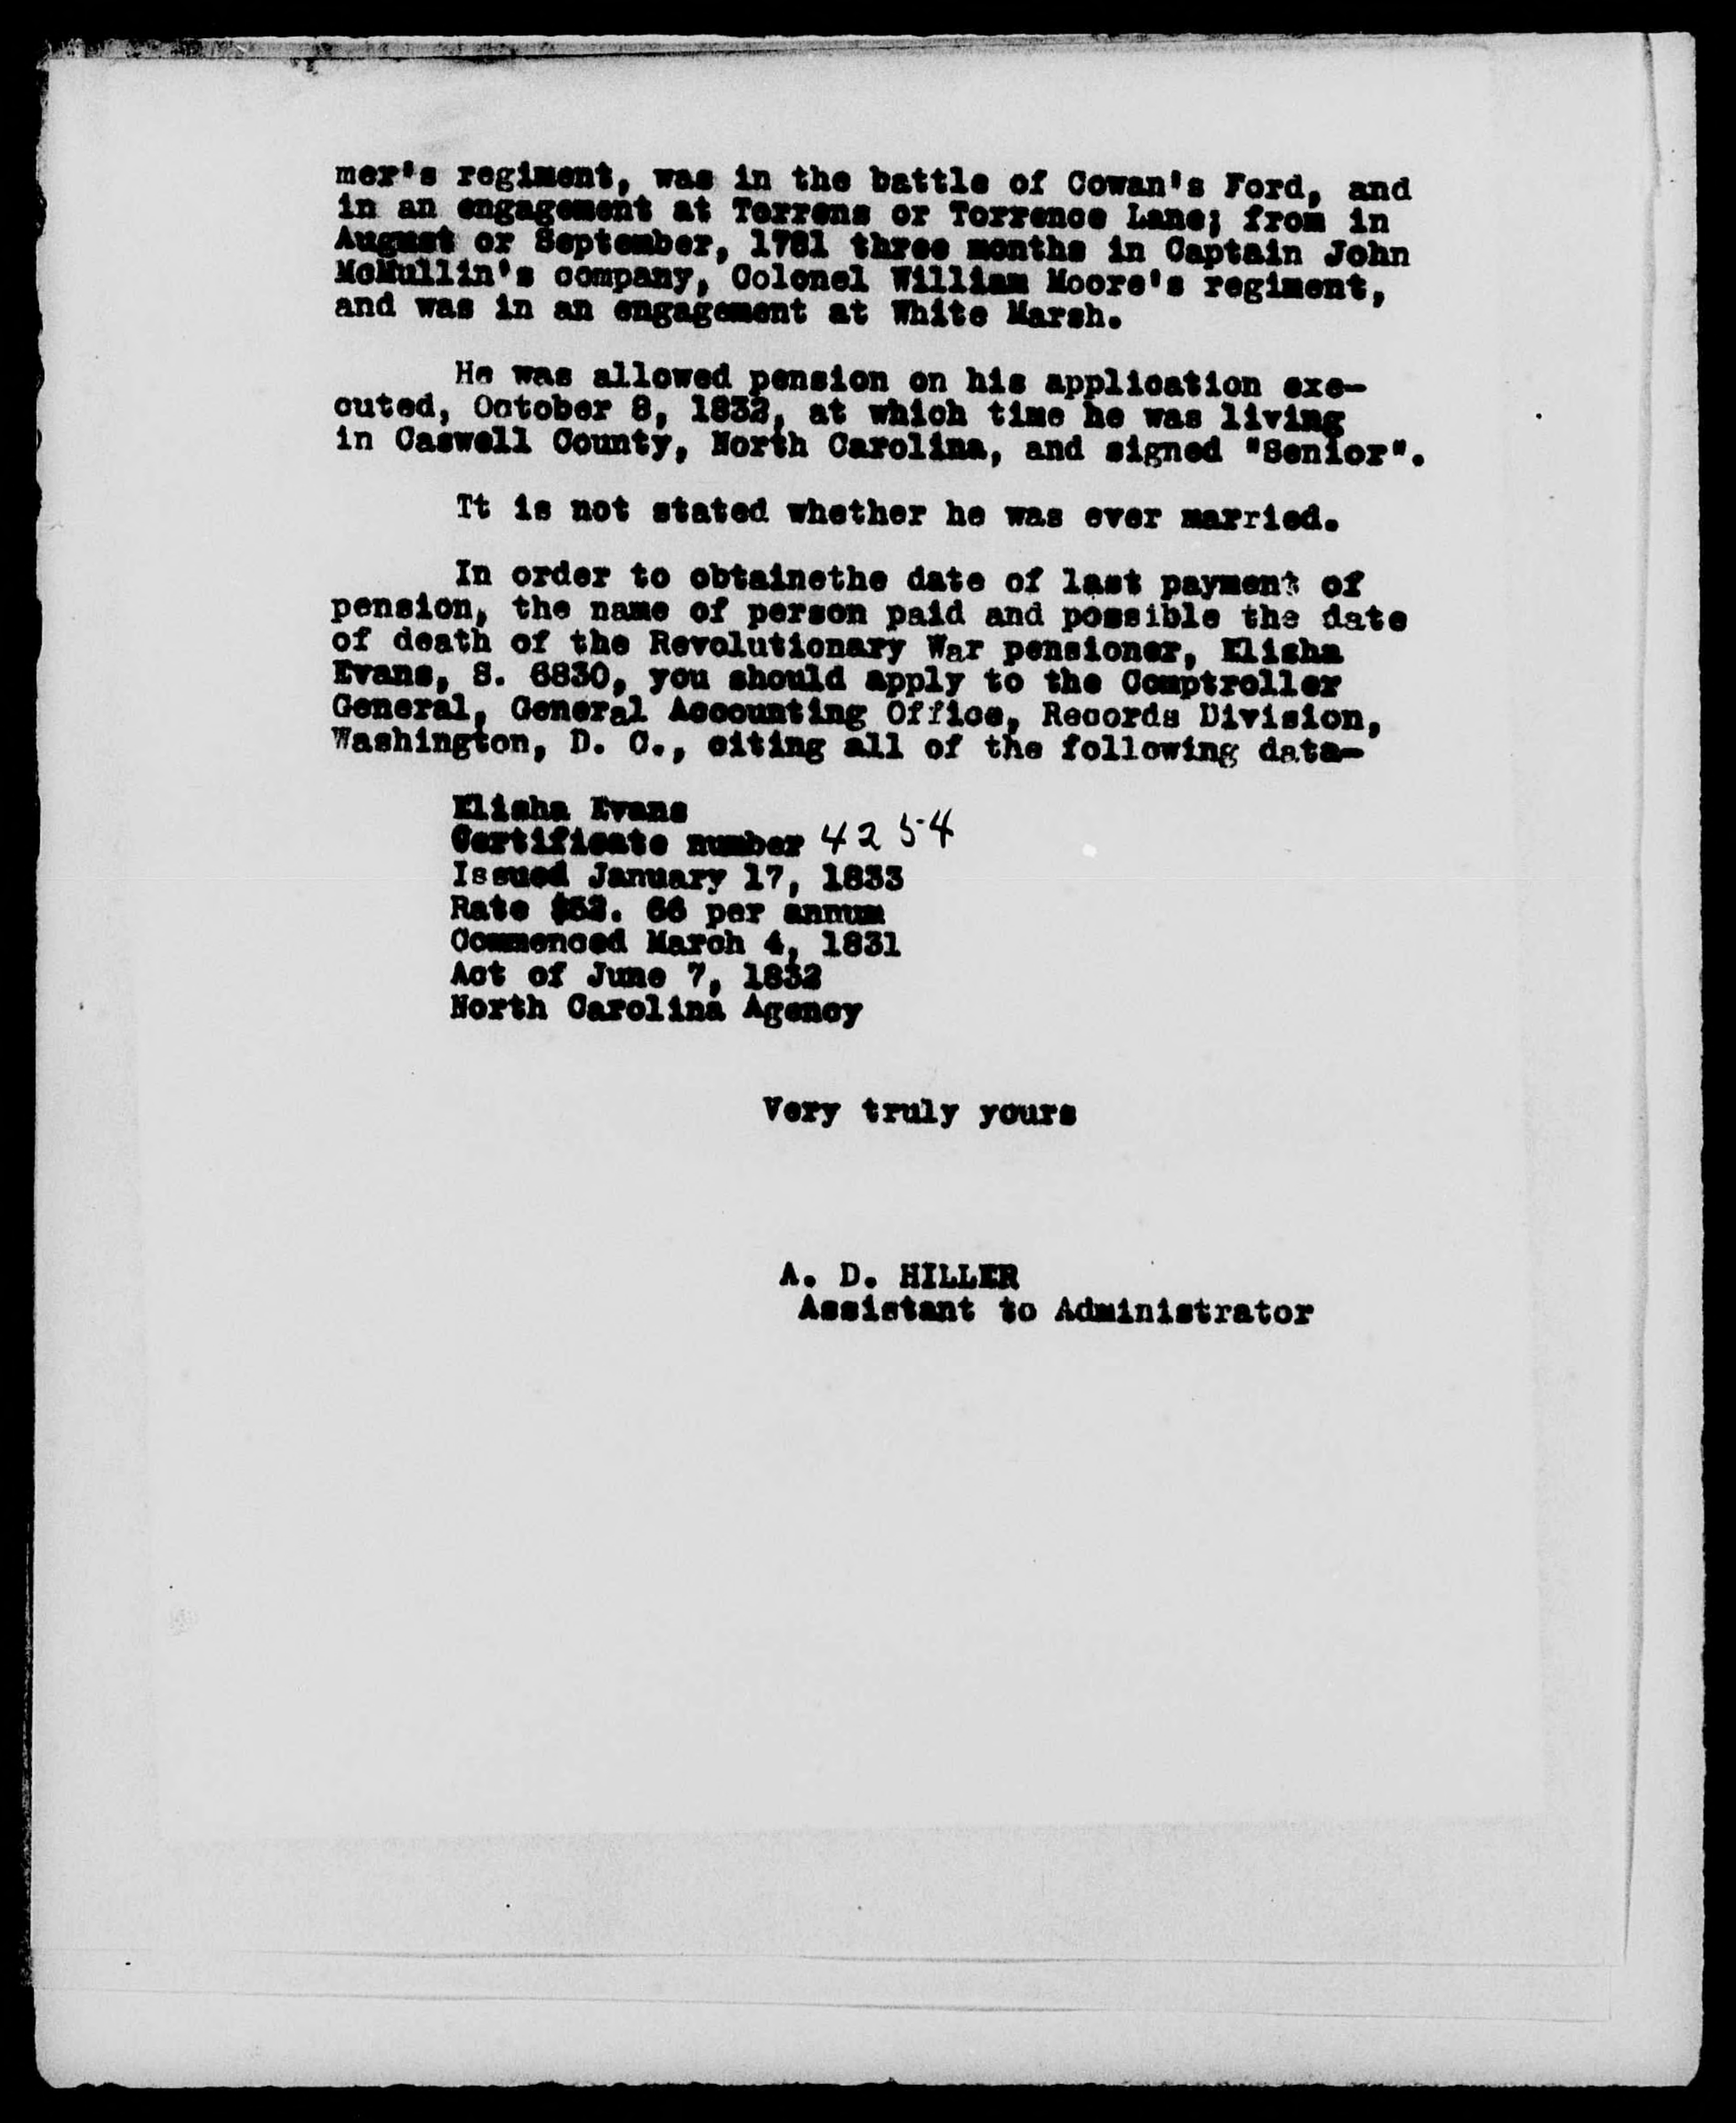mer's regiment, was in the battle of Cowan's Ford, and in an engagement at Torrens of Torrence Lane; from in August or September, 1781 three months in Captain John
McMullin's company, Colonel William Moore's regiment, and was in an engagement at White Marsh.

He was allowed pension on his application executed, October 8, 1832, at which time he was living in Caswell County, North Carolina, and signed "Senior".

It is not stated whether he was ever married.

In order to obtain the date of last payment of
pension, the name of person paid and possible the date of death of the Revolutionary War pensioner, Elisha Evans, S. 6830, you should apply to the Comptroller General, General Accounting Office, Records Division,
Washington, D. C., citing all of the following data-

Elisha Evans
Certificate number 4254
Issued January 17, 1833
Rate $52.66 per annum
Commenced March 4, 1831
Act of June 7, 1832
North Carolina Agency

Very truly yours

A. D. HILLER
Assistant to Administrator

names: Elisha Evans, Elisha Evans, A D Hiller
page: 16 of 29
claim: survivor's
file: S. 6830, Elisha Evans, N.C.